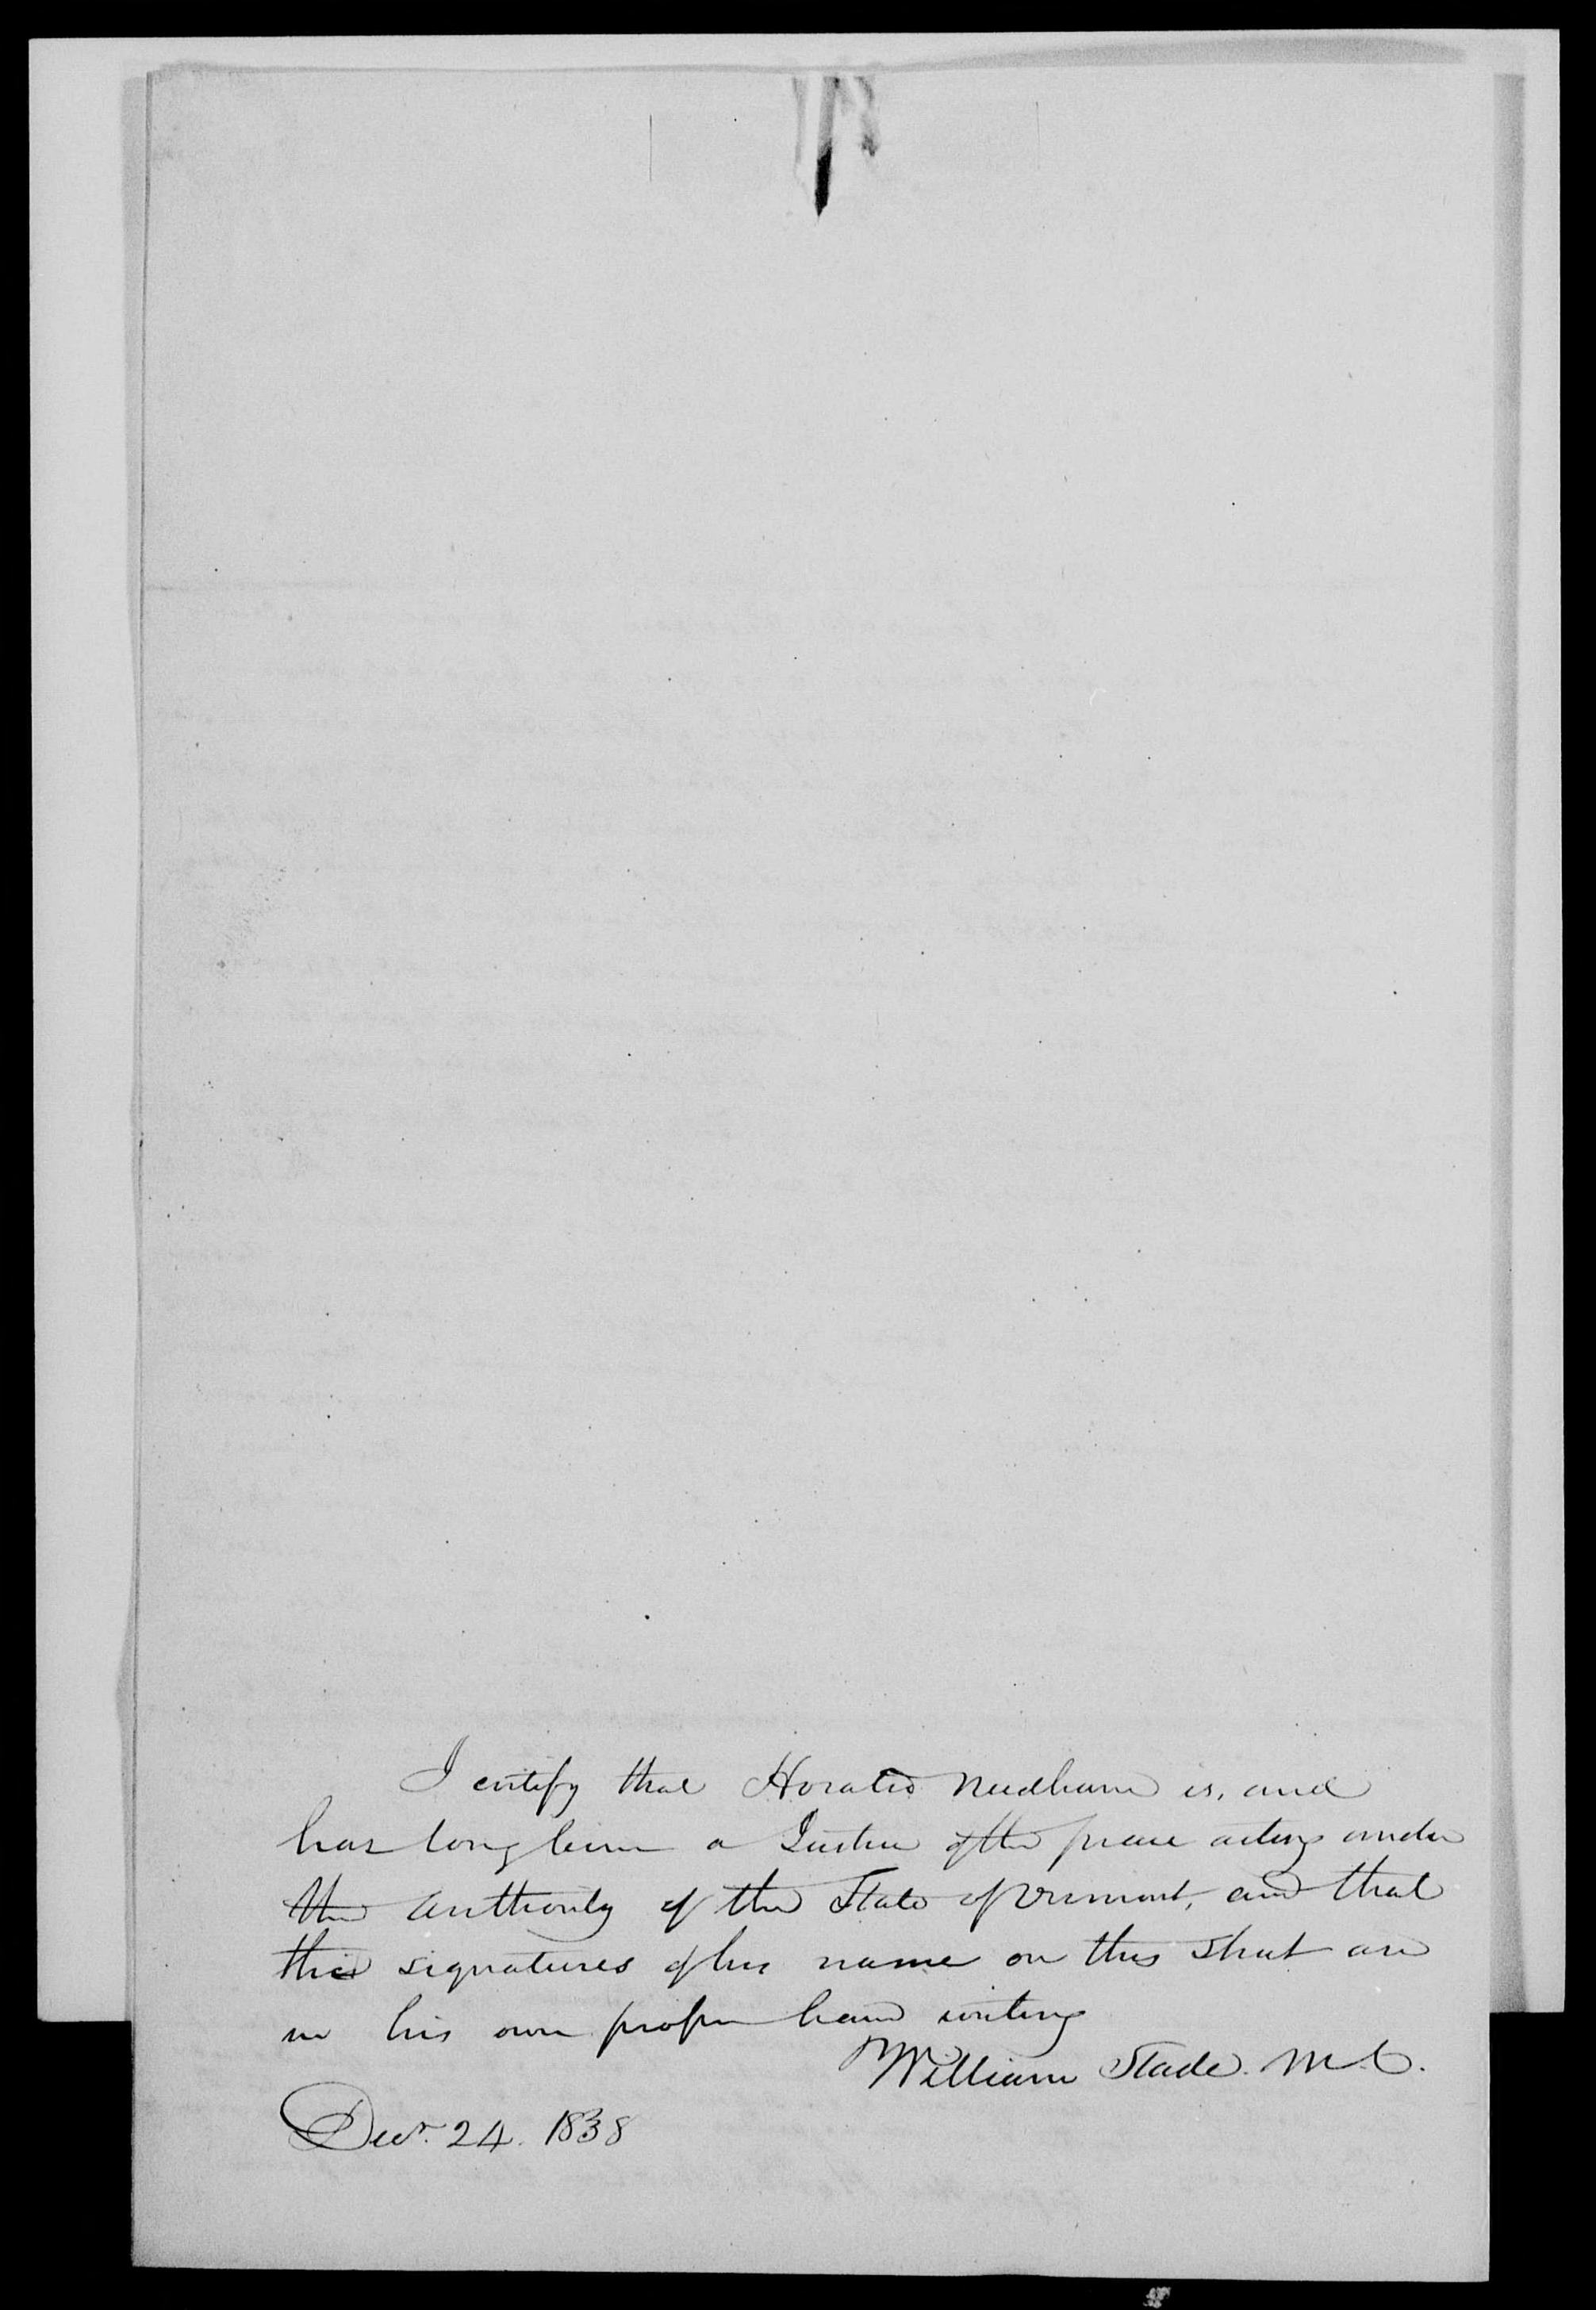I certify that Horatio Needham is, and has long been a Justice of the peace acting under the Authority of the State of Vermont, and that this signatures of her name on this sheet are in his own proper hand writing
William Slade, M.[illegible]
Dec. 24, 1838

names: William Slade, Horatio Needham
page: 52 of 62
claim: widow's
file: W. 21391, Robert Holley, Conn.